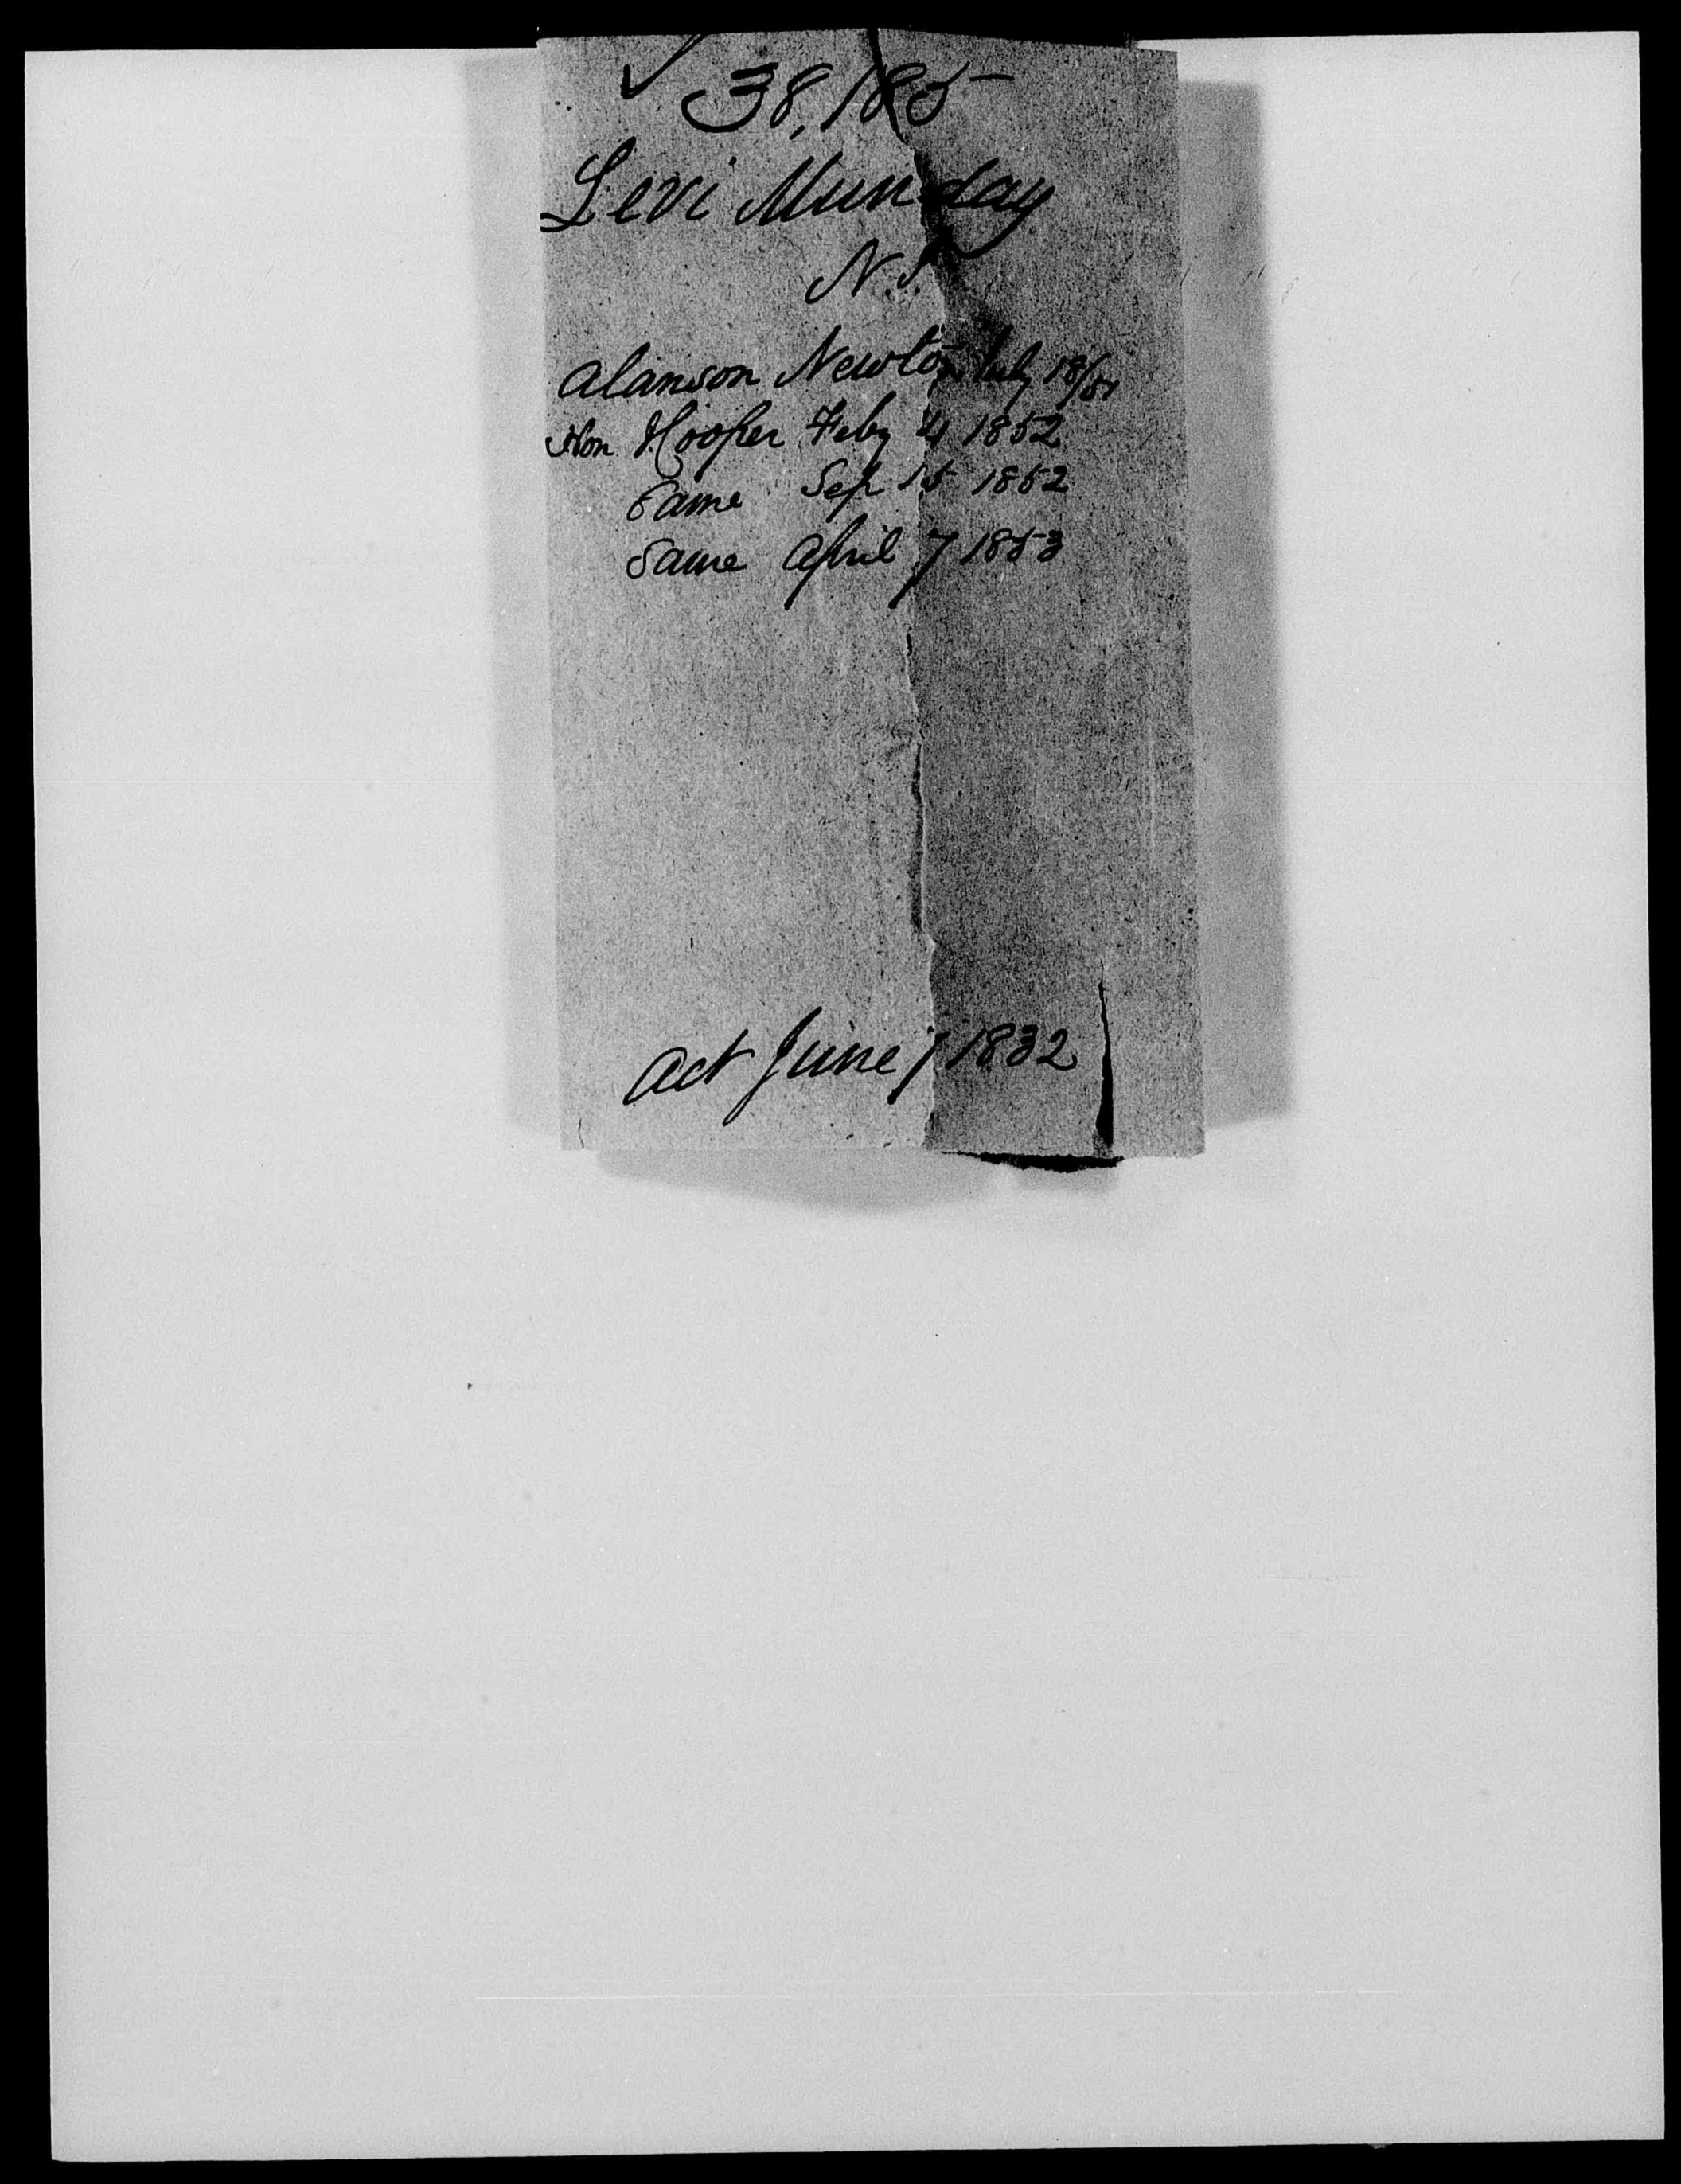38,185
Levi Munday
N.J.
Alanson Newton, July 18/'51
Hon. J. Cooper, Feb. 4, 1852
(same) Sep. 15, 1852
(same) April 7, 1853

Act June 1832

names: [BLANK] Hooper; Levi Munday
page: 13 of 95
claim: survivor's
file: S 2889, for Levi Mundy, New Jersey